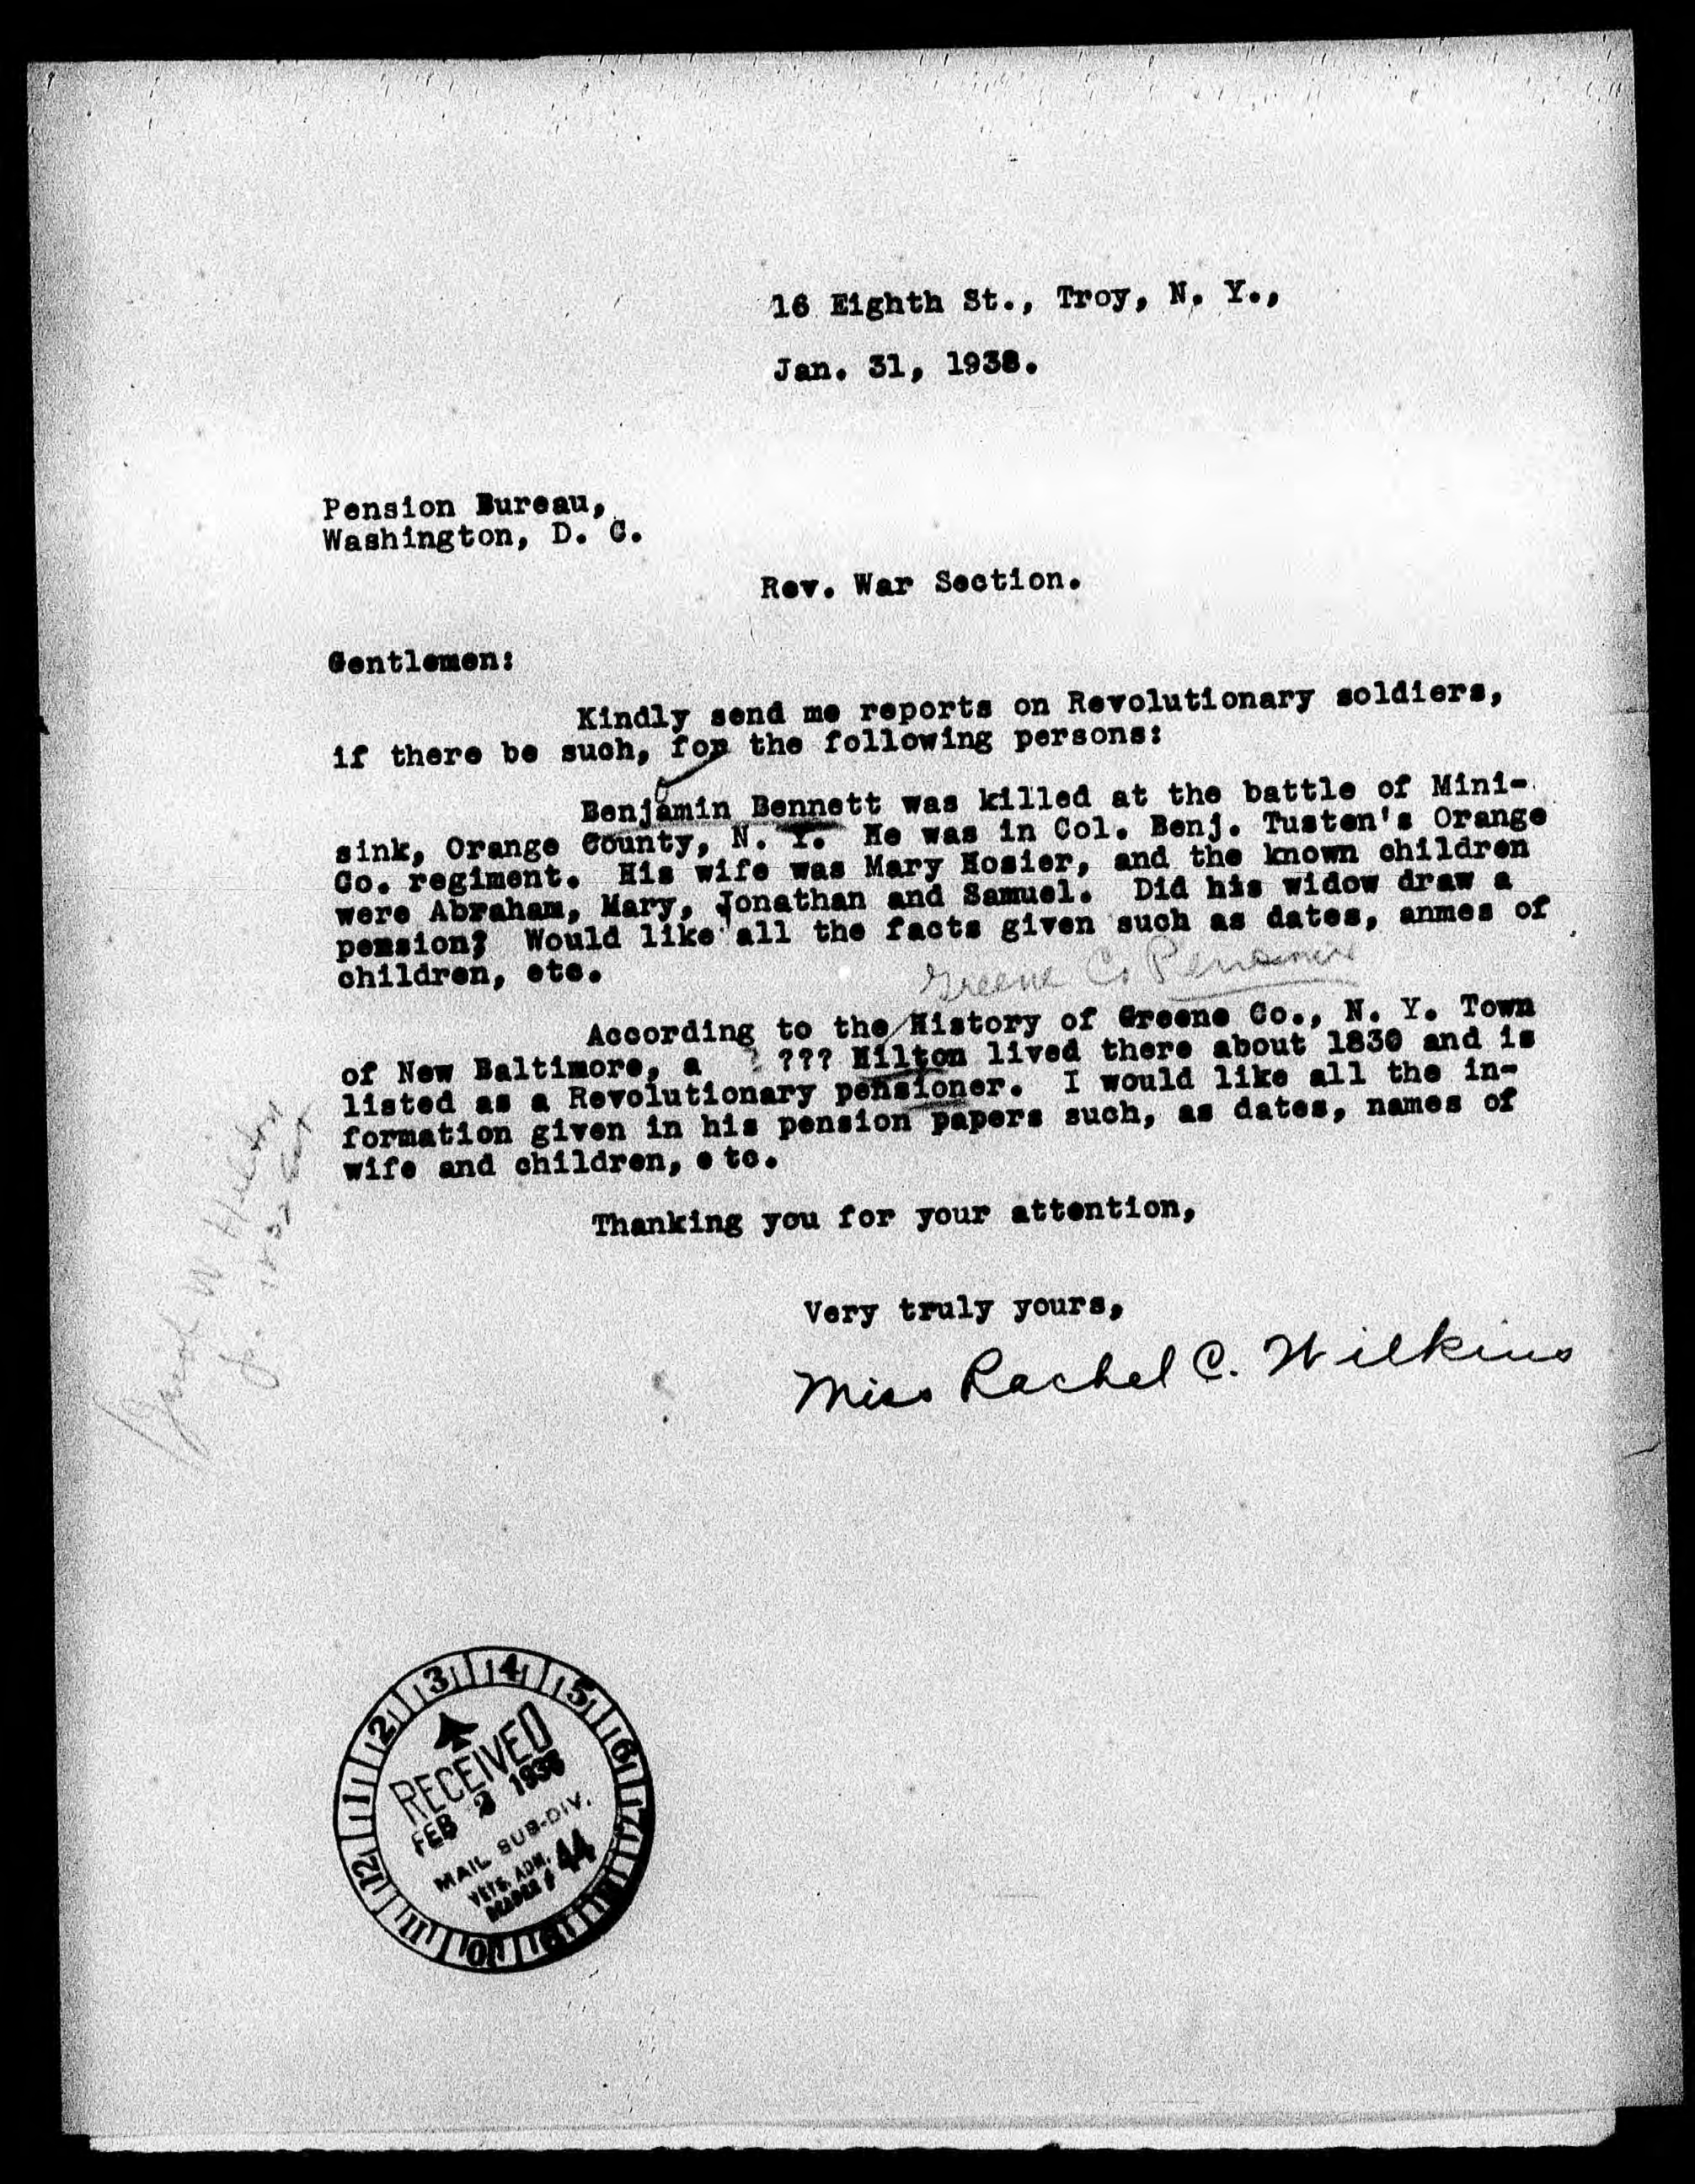16 Eighth St. Troy N.Y.
                                              Jan. 31, 1938.

Pension Bureau
Washington, DC

                               Rev. War Section.

Gentlemen:

Kindly send me reports on Revolutionary soldiers, if there be such, for the following persons:

Benjamin Bennett was killed at the battle of Mini-sink, Orange County, N.Y. He was in Col. Benj. Tusten's Orange Co. regiment. His wife was Mary Hosier, and the known children were Abraham, Mary, Jonathan and Samuel. Did his widow draw a pension; would like all the facts given such as dates, anmes* of children, etc.

According to the History of Greene Co. N.Y. Town of New Baltimore, a ??? [ handwritten note pointed to underlined Hilton: Green Co. Pensioner] Hilton lived there about 1830 and is listed as a Revolutionary pensioner. I would like all the information given in his pension papers such, as dates, names of wife and children, etc.

Thanking you for your attention, 

Very truly yours, 
Miss Rachel C. Wilkins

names: Abraham, Jonathan, Samuel, Benjamin Bennett, Jacob W Hilton, Hilton, Mary, Mary Hosier, Rachel C Wilkins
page: 32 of 48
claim: widow's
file: W. 19788, Jacob W Hilton, New York